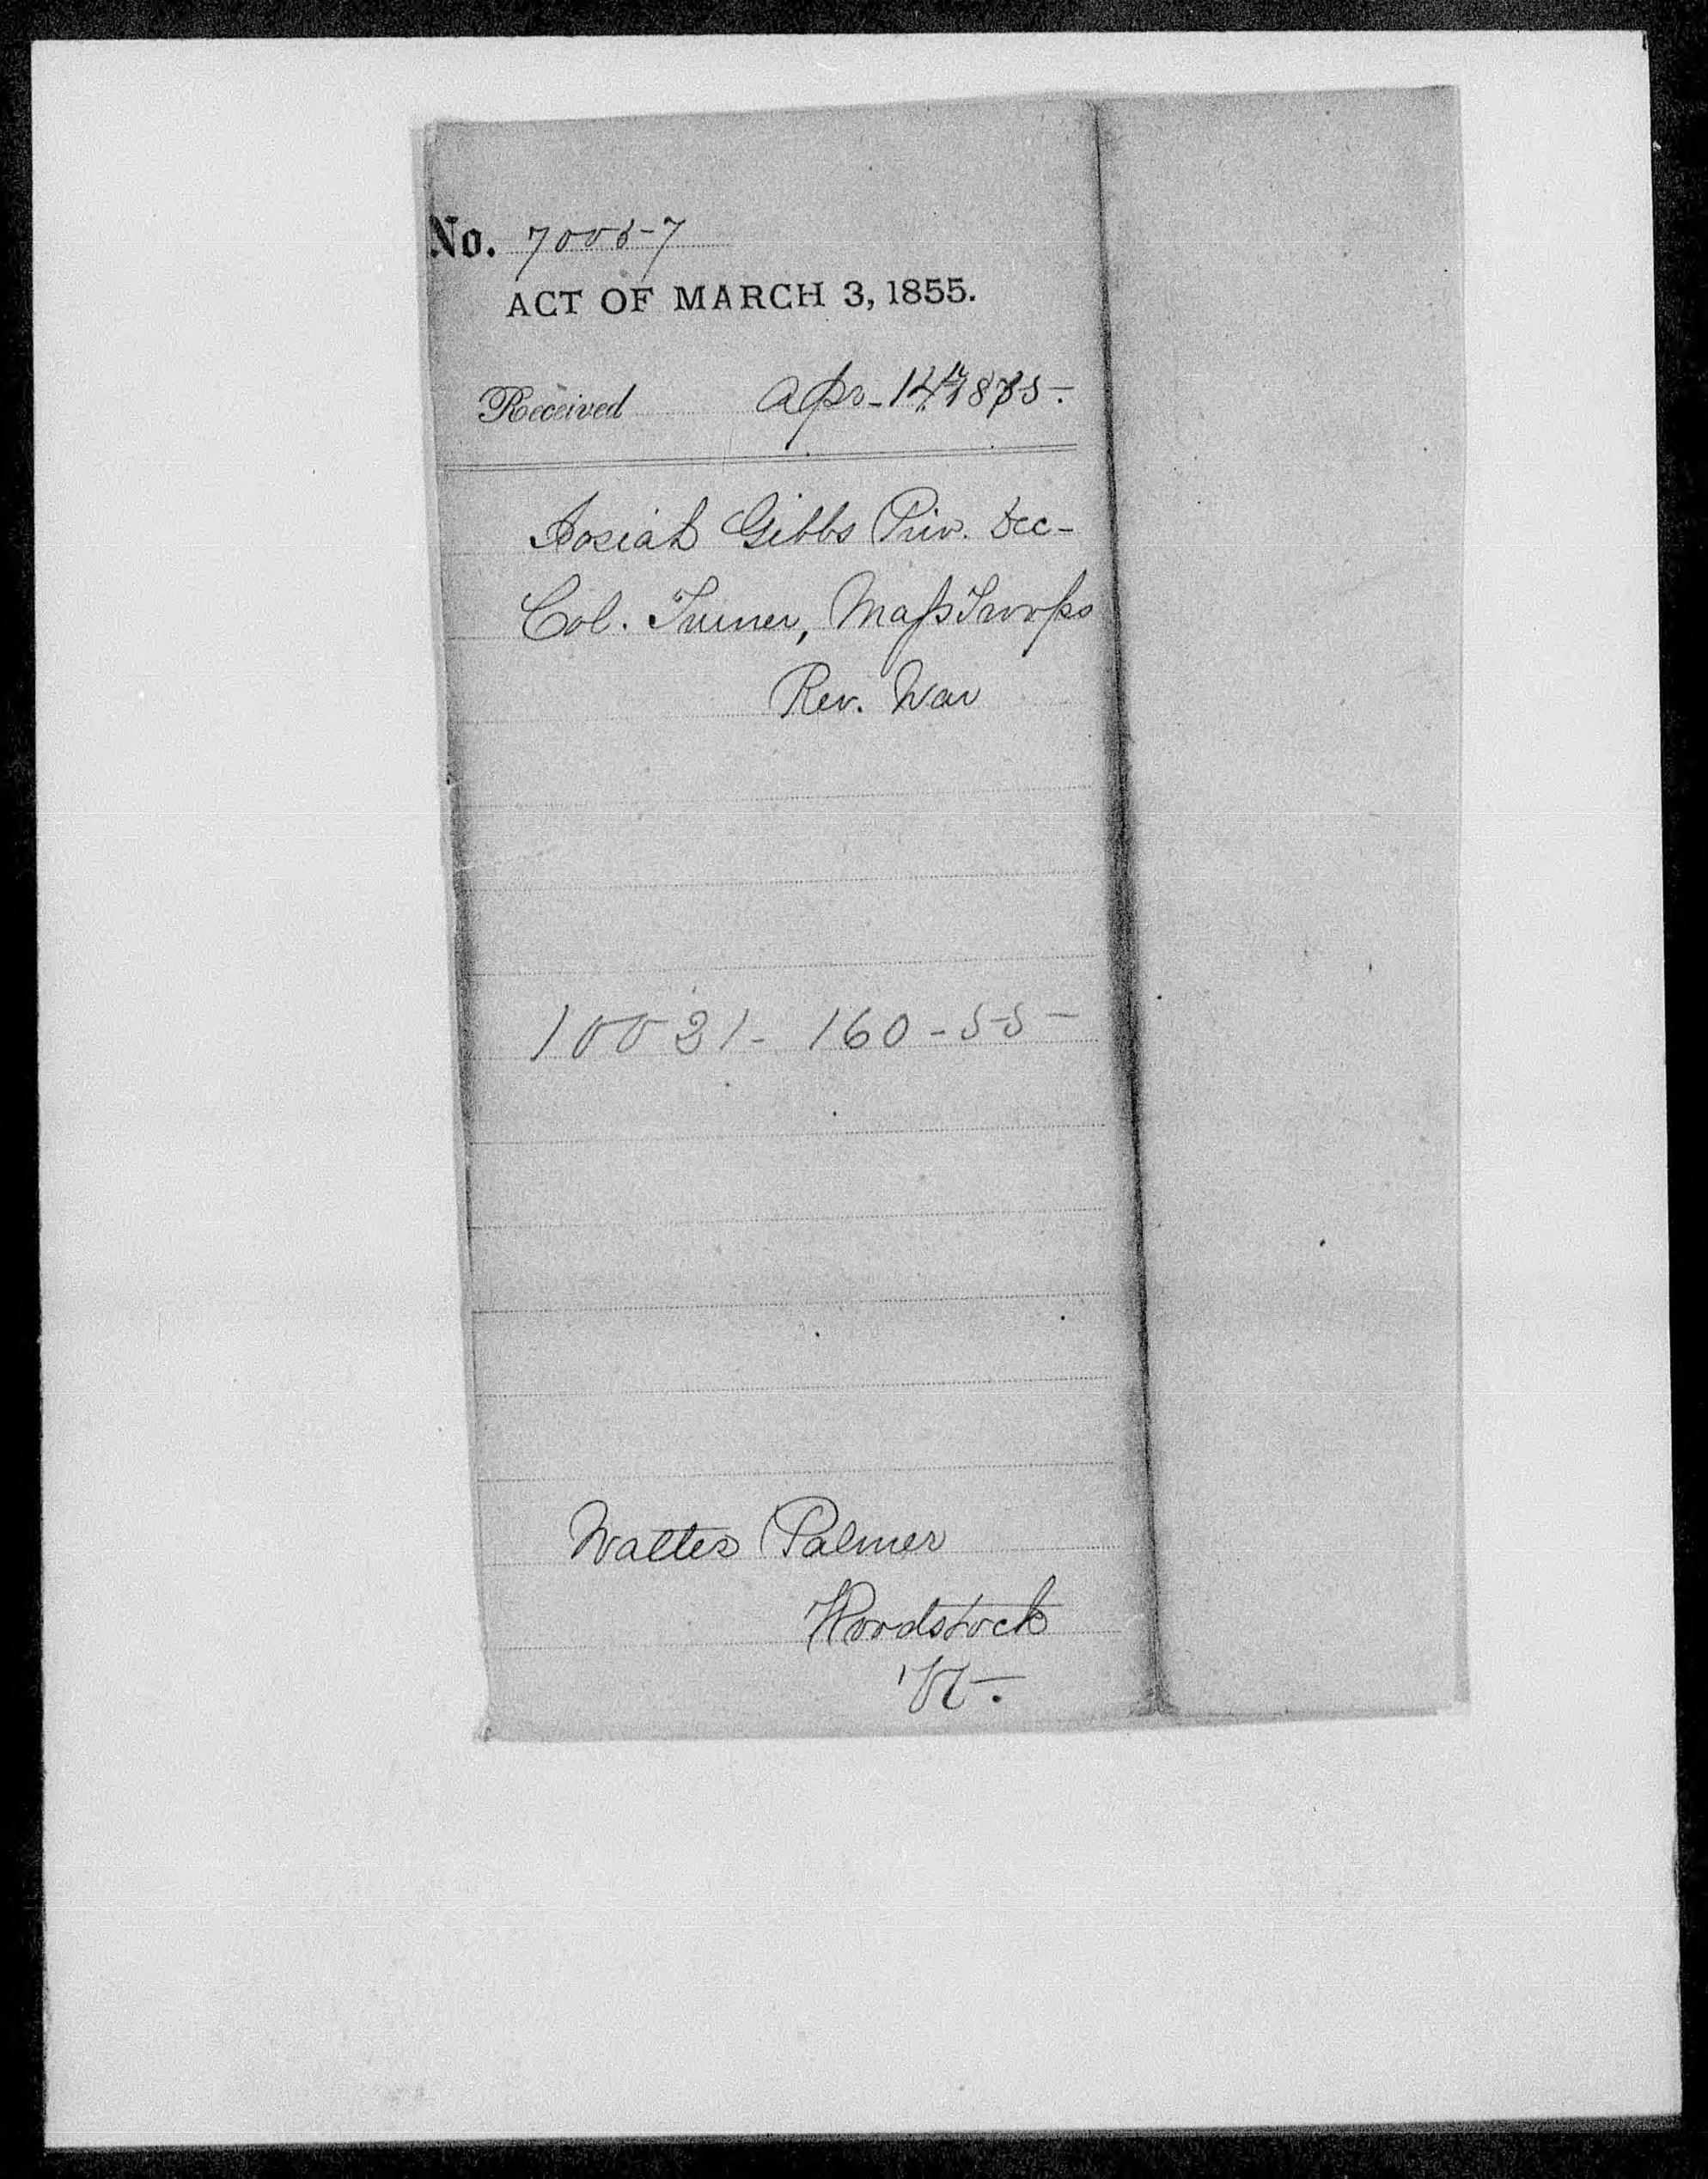No. ....7000-7

ACT OF MARCH 3, 1855.

Received.....Apr-14th, 1875
Josiah Gibbs Priv.  Dec-
Col. Turner, Mass Troops
Rev. War
10031-160-55

Walter Palmer
Woodstock Vt.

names: Turner, Walter Palmer, Josiah Gibbs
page: 19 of 33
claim: widow's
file: W. 4681, Josiah Gibbs, Mass